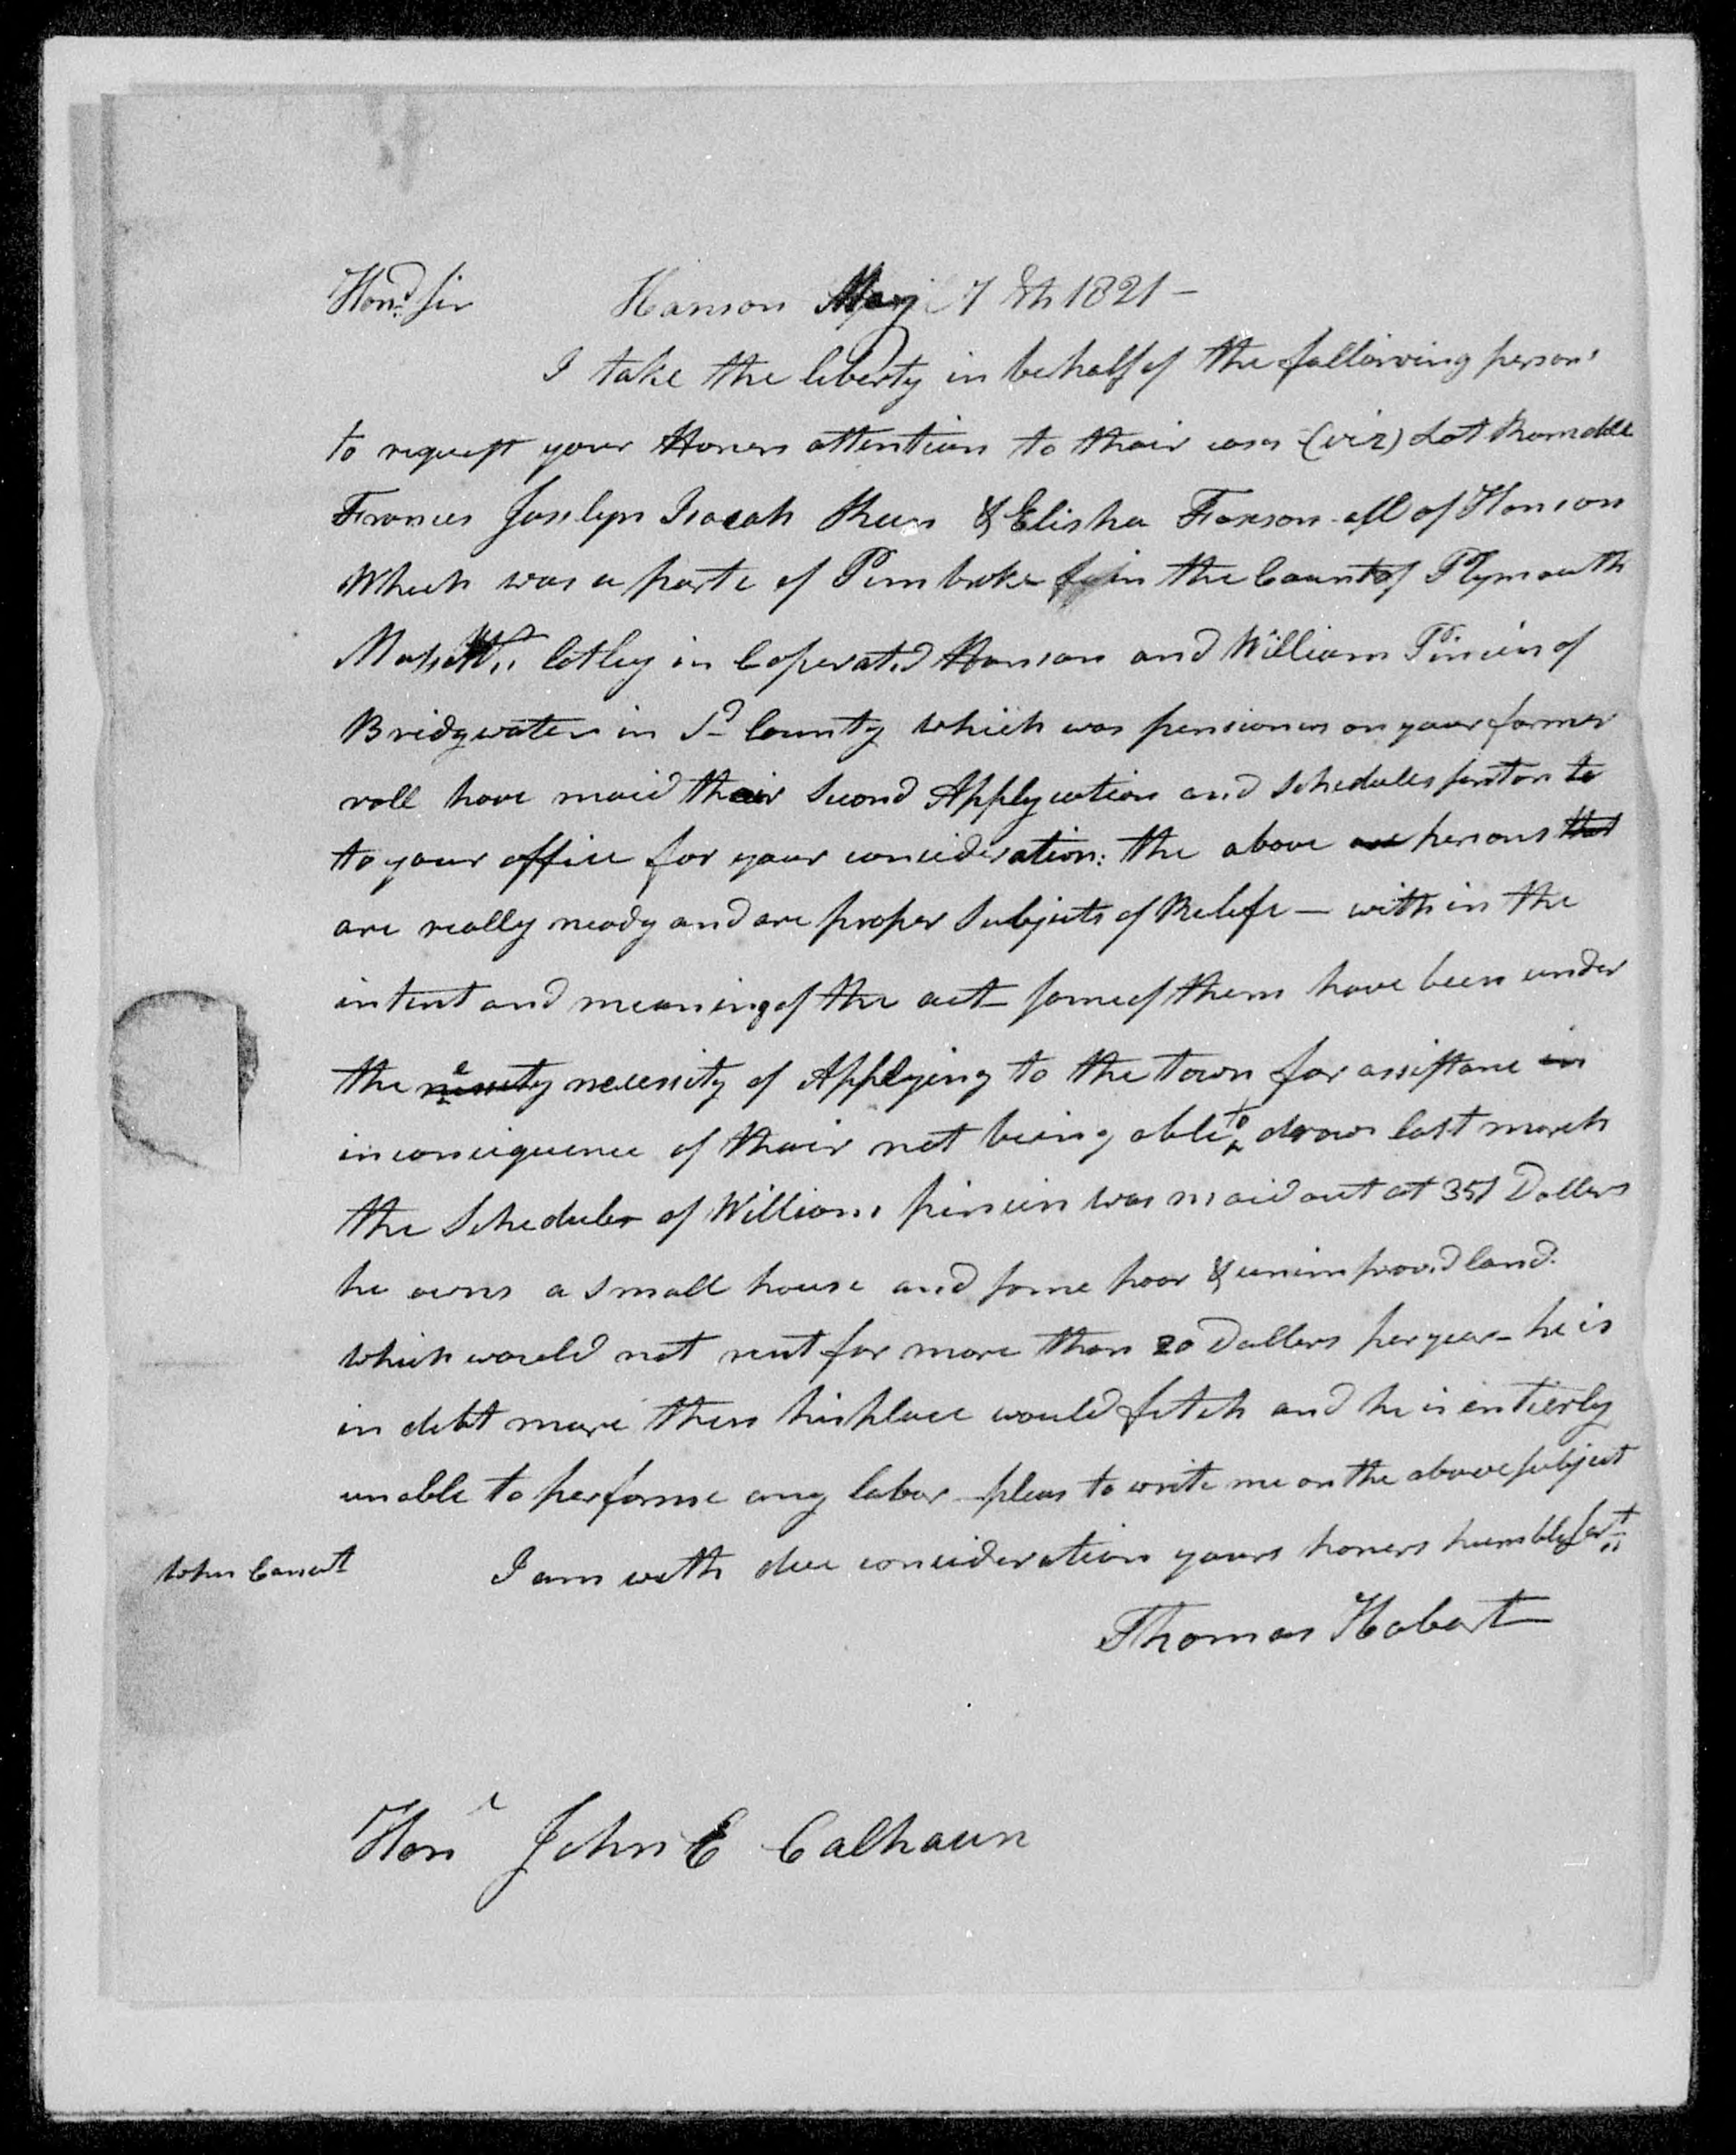Hond sir
Hanson May 7th 1821 —
I take the liberty in behalf of the following person to request your Honors attention to their case (vis) [illegible] [illegible] Frances Joselyn Isaiah Keen & Elisha Faxon all of Hanson which was a part of Pembroke in the County of Plymouth Mass.. lately incorporated Hanson and William Pincies [?] of Bridgwater in sd County which was pensioners on your former roll have maid their second Application and schedules [illegible] to to your office for your concideration: the above [crossed out] persons [crossed out] are really neady and are proper subjects of Relief — with in the intent and meaning of the act _ Some of them have been under the [crossed out] necessity of Applying to the town for assistance [crossed out] in consequence of their not being able to draw last month [?] The schedule of Williams pension was maid out at 35 Dollars he owns a small house and some poor & unimprovd land. which would. not rent for more than 20 Dollars per year_ he is in debt more than his place could fetch and he is entirely unable to performe any labor please to write me on the above subject when convt  I am with due concideration yours honers humble Servt.
Thomas Hobert

Hon John C Calhoun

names: Thomas Hobert, Isaiah Keen, Elisha Faxon, William, John C Calhoun, Frances Joselyn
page: 47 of 47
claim: widow's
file: W. 14703, Elisha Faxon, Mass